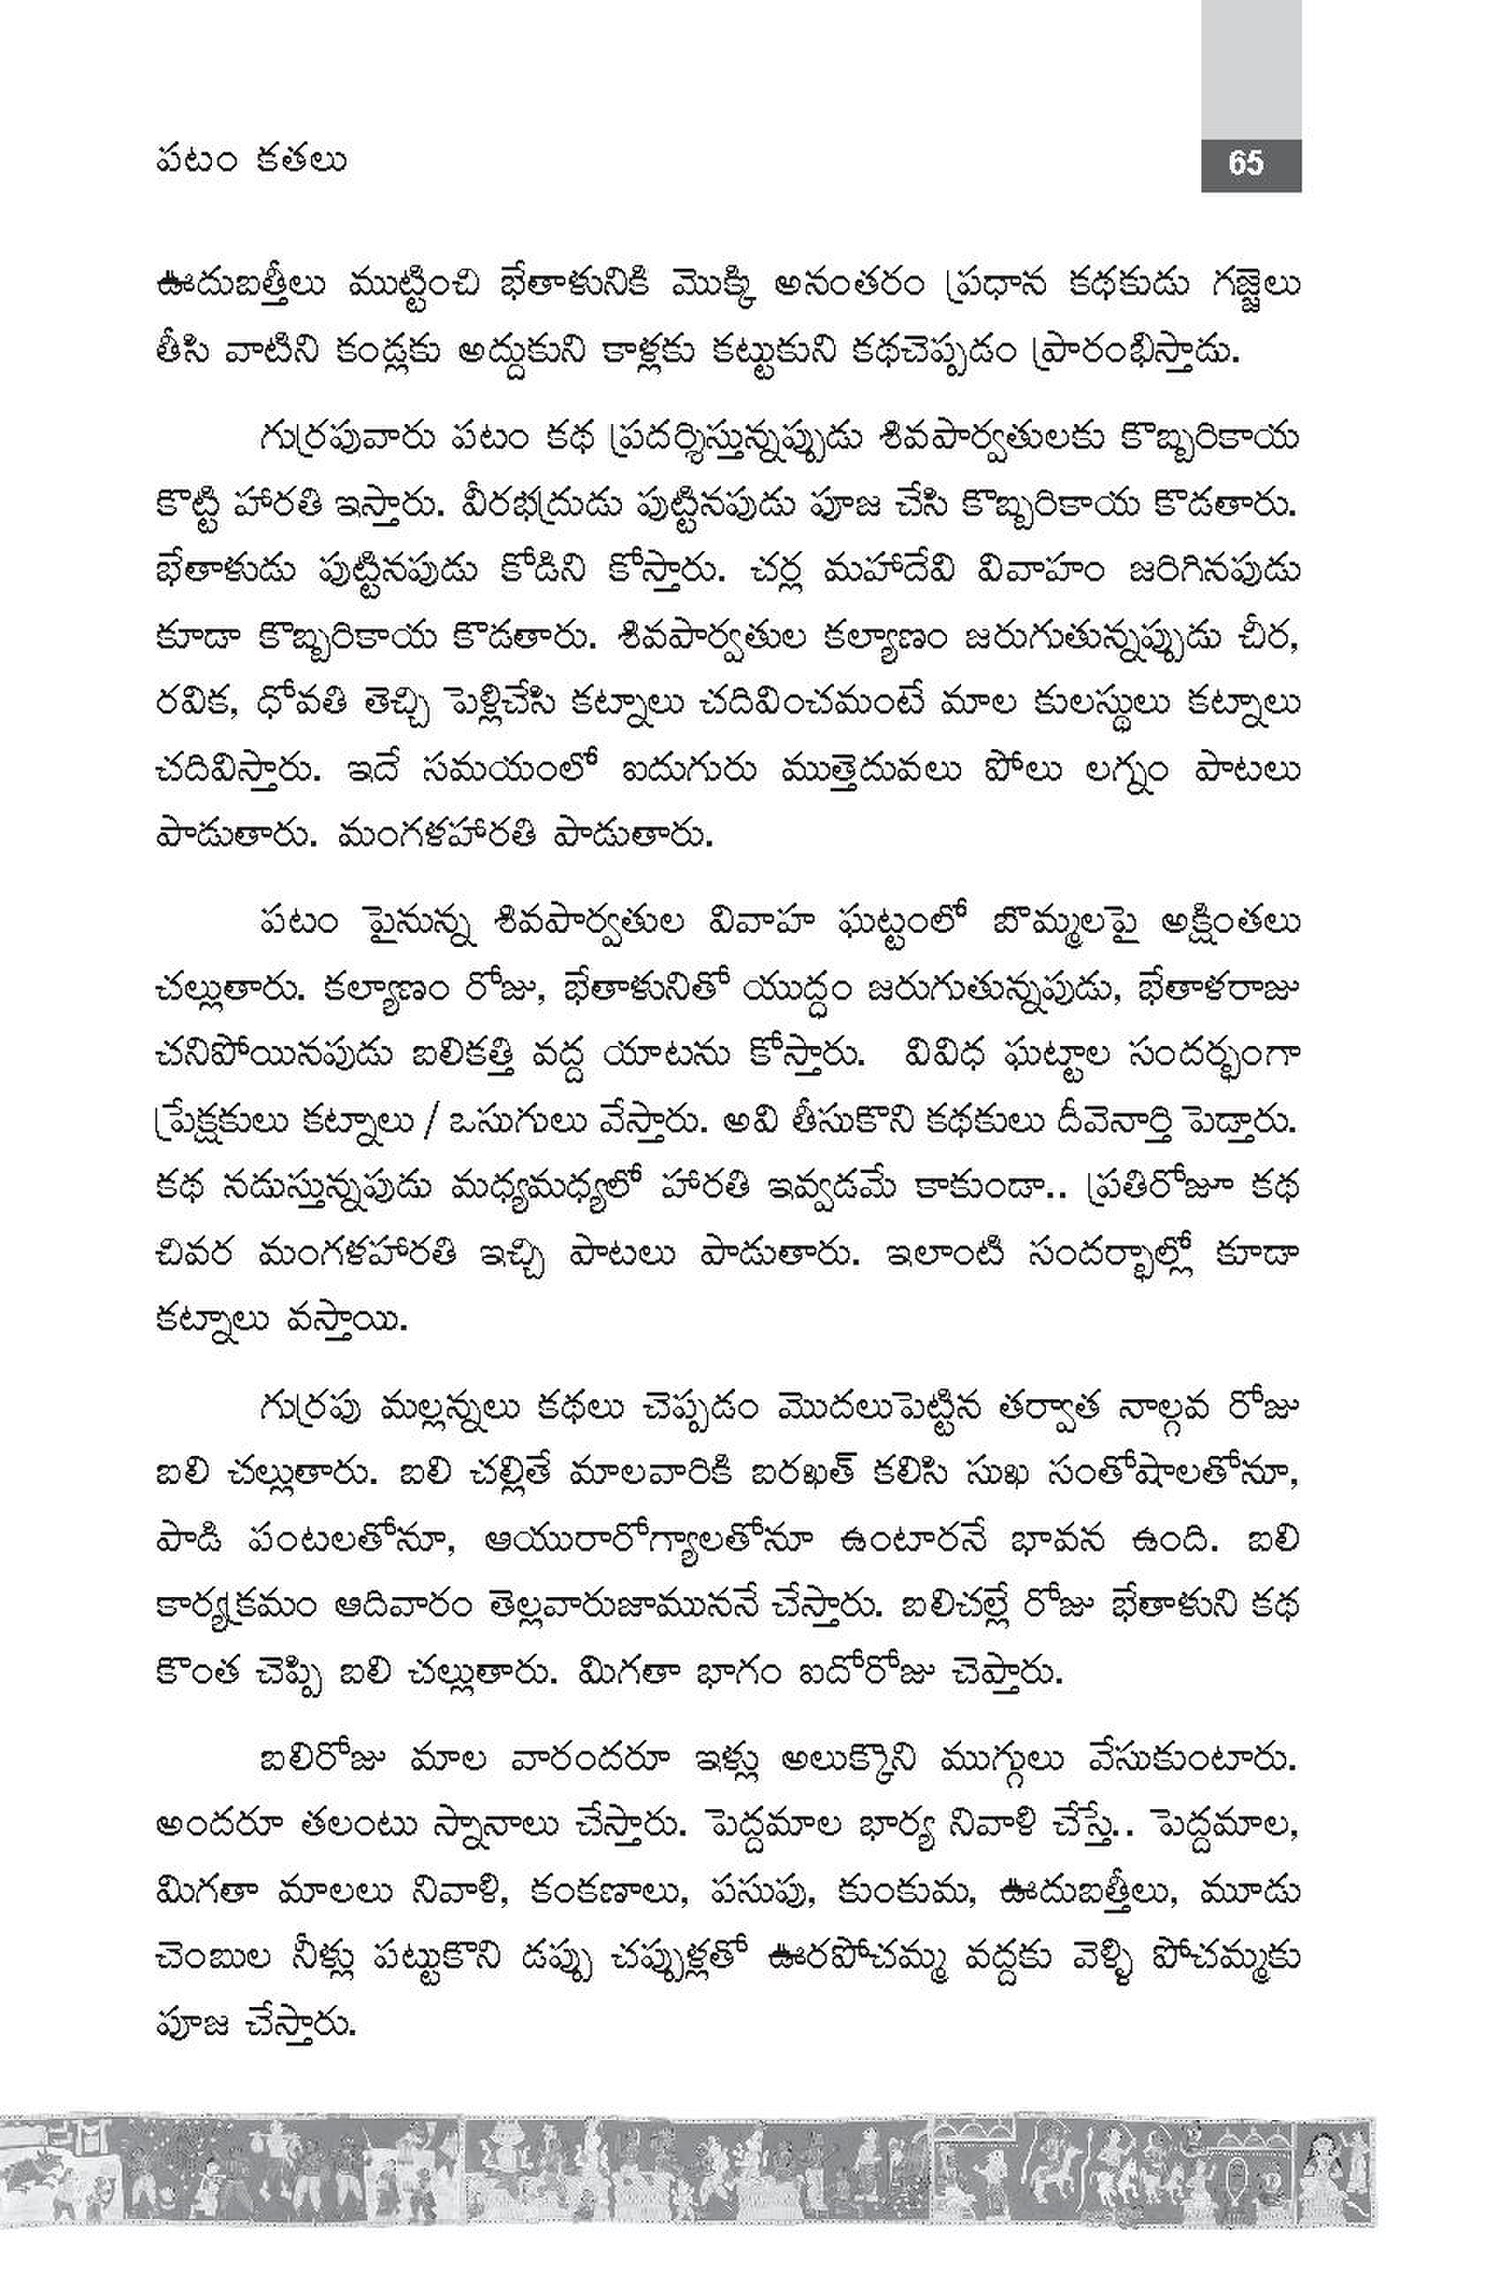ఊదుబత్తీలు ముట్టించి భేతాళునికి మొక్కి అనంతరం ప్రధాన కథకుడు గజ్జెలు తీసి వాటిని కండ్లకు అద్దుకుని కాళ్లకు కట్టుకుని కథచెప్పడం ప్రారంభిస్తాడు.

గుర్రపువారు పటం కథ ప్రదర్శిస్తున్నప్పుడు శివపార్వతులకు కొబ్బరికాయ కొట్టి హారతి ఇస్తారు. వీరభద్రుడు పుట్టినపుడు పూజ చేసి కొబ్బరికాయ కొడతారు. భేతాళుడు పుట్టినపుడు కోడిని కోస్తారు. చర్ల మహాదేవి వివాహం జరిగినపుడు కూడా కొబ్బరికాయ కొడతారు. శివపార్వతుల కల్యాణం జరుగుతున్నప్పుడు చీర, రవిక, ధోవతి తెచ్చి పెళ్లిచేసి కట్నాలు చదివించమంటే మాల కులస్థులు కట్నాలు చదివిస్తారు. ఇదే సమయంలో ఐదుగురు ముత్తైదువలు పోలు లగ్నం పాటలు పాడుతారు. మంగళహారతి పాడుతారు.

పటం పైనున్న శివపార్వతుల వివాహ ఘట్టంలో బొమ్మలపై అక్షింతలు చల్లుతారు. కల్యాణం రోజు, భేతాళునితో యుద్ధం జరుగుతున్నపుడు, భేతాళరాజు చనిపోయినపుడు బలికత్తి వద్ద యాటను కోస్తారు. వివిధ ఘట్టాల సందర్భంగా ప్రేక్షకులు కట్నాలు / ఒసుగులు వేస్తారు. అవి తీసుకొని కథకులు దీవెనార్తి పెడ్తారు. కథ నడుస్తున్నపుడు మధ్యమధ్యలో హారతి ఇవ్వడమే కాకుండా.. ప్రతిరోజూ కథ చివర మంగళహారతి ఇచ్చి పాటలు పాడుతారు. ఇలాంటి సందర్భాల్లో కూడా
కట్నాలు వస్తాయి.

గుర్రపు మల్లన్నలు కథలు చెప్పడం మొదలుపెట్టిన తర్వాత నాల్గవ రోజు బలి చల్లుతారు. బలి చల్లితే మాలవారికి బరఖత్ కలిసి సుఖ సంతోషాలతోనూ, పాడి పంటలతోనూ, ఆయురారోగ్యాలతోనూ ఉంటారనే భావన ఉంది. బలి
కార్యక్రమం ఆదివారం తెల్లవారుజాముననే చేస్తారు. బలిచల్లే రోజు భేతాళుని కథ కొంత చెప్పి బలి చల్లుతారు. మిగతా భాగం ఐదోరోజు చెప్తారు.

బలిరోజు మాల వారందరూ ఇళ్లు అలుక్కొని ముగ్గులు వేసుకుంటారు. అందరూ తలంటు స్నానాలు చేస్తారు. పెద్దమాల భార్య నివాళి చేస్తే.. పెద్దమాల, మిగతా మాలలు నివాళి, కంకణాలు, పసుపు, కుంకుమ, ఊదుబత్తీలు, మూడు
చెంబుల నీళ్లు పట్టుకొని డప్పు చప్పుళ్లతో ఊరపోచమ్మ వద్దకు వెళ్ళి పోచమ్మకు పూజ చేస్తారు.